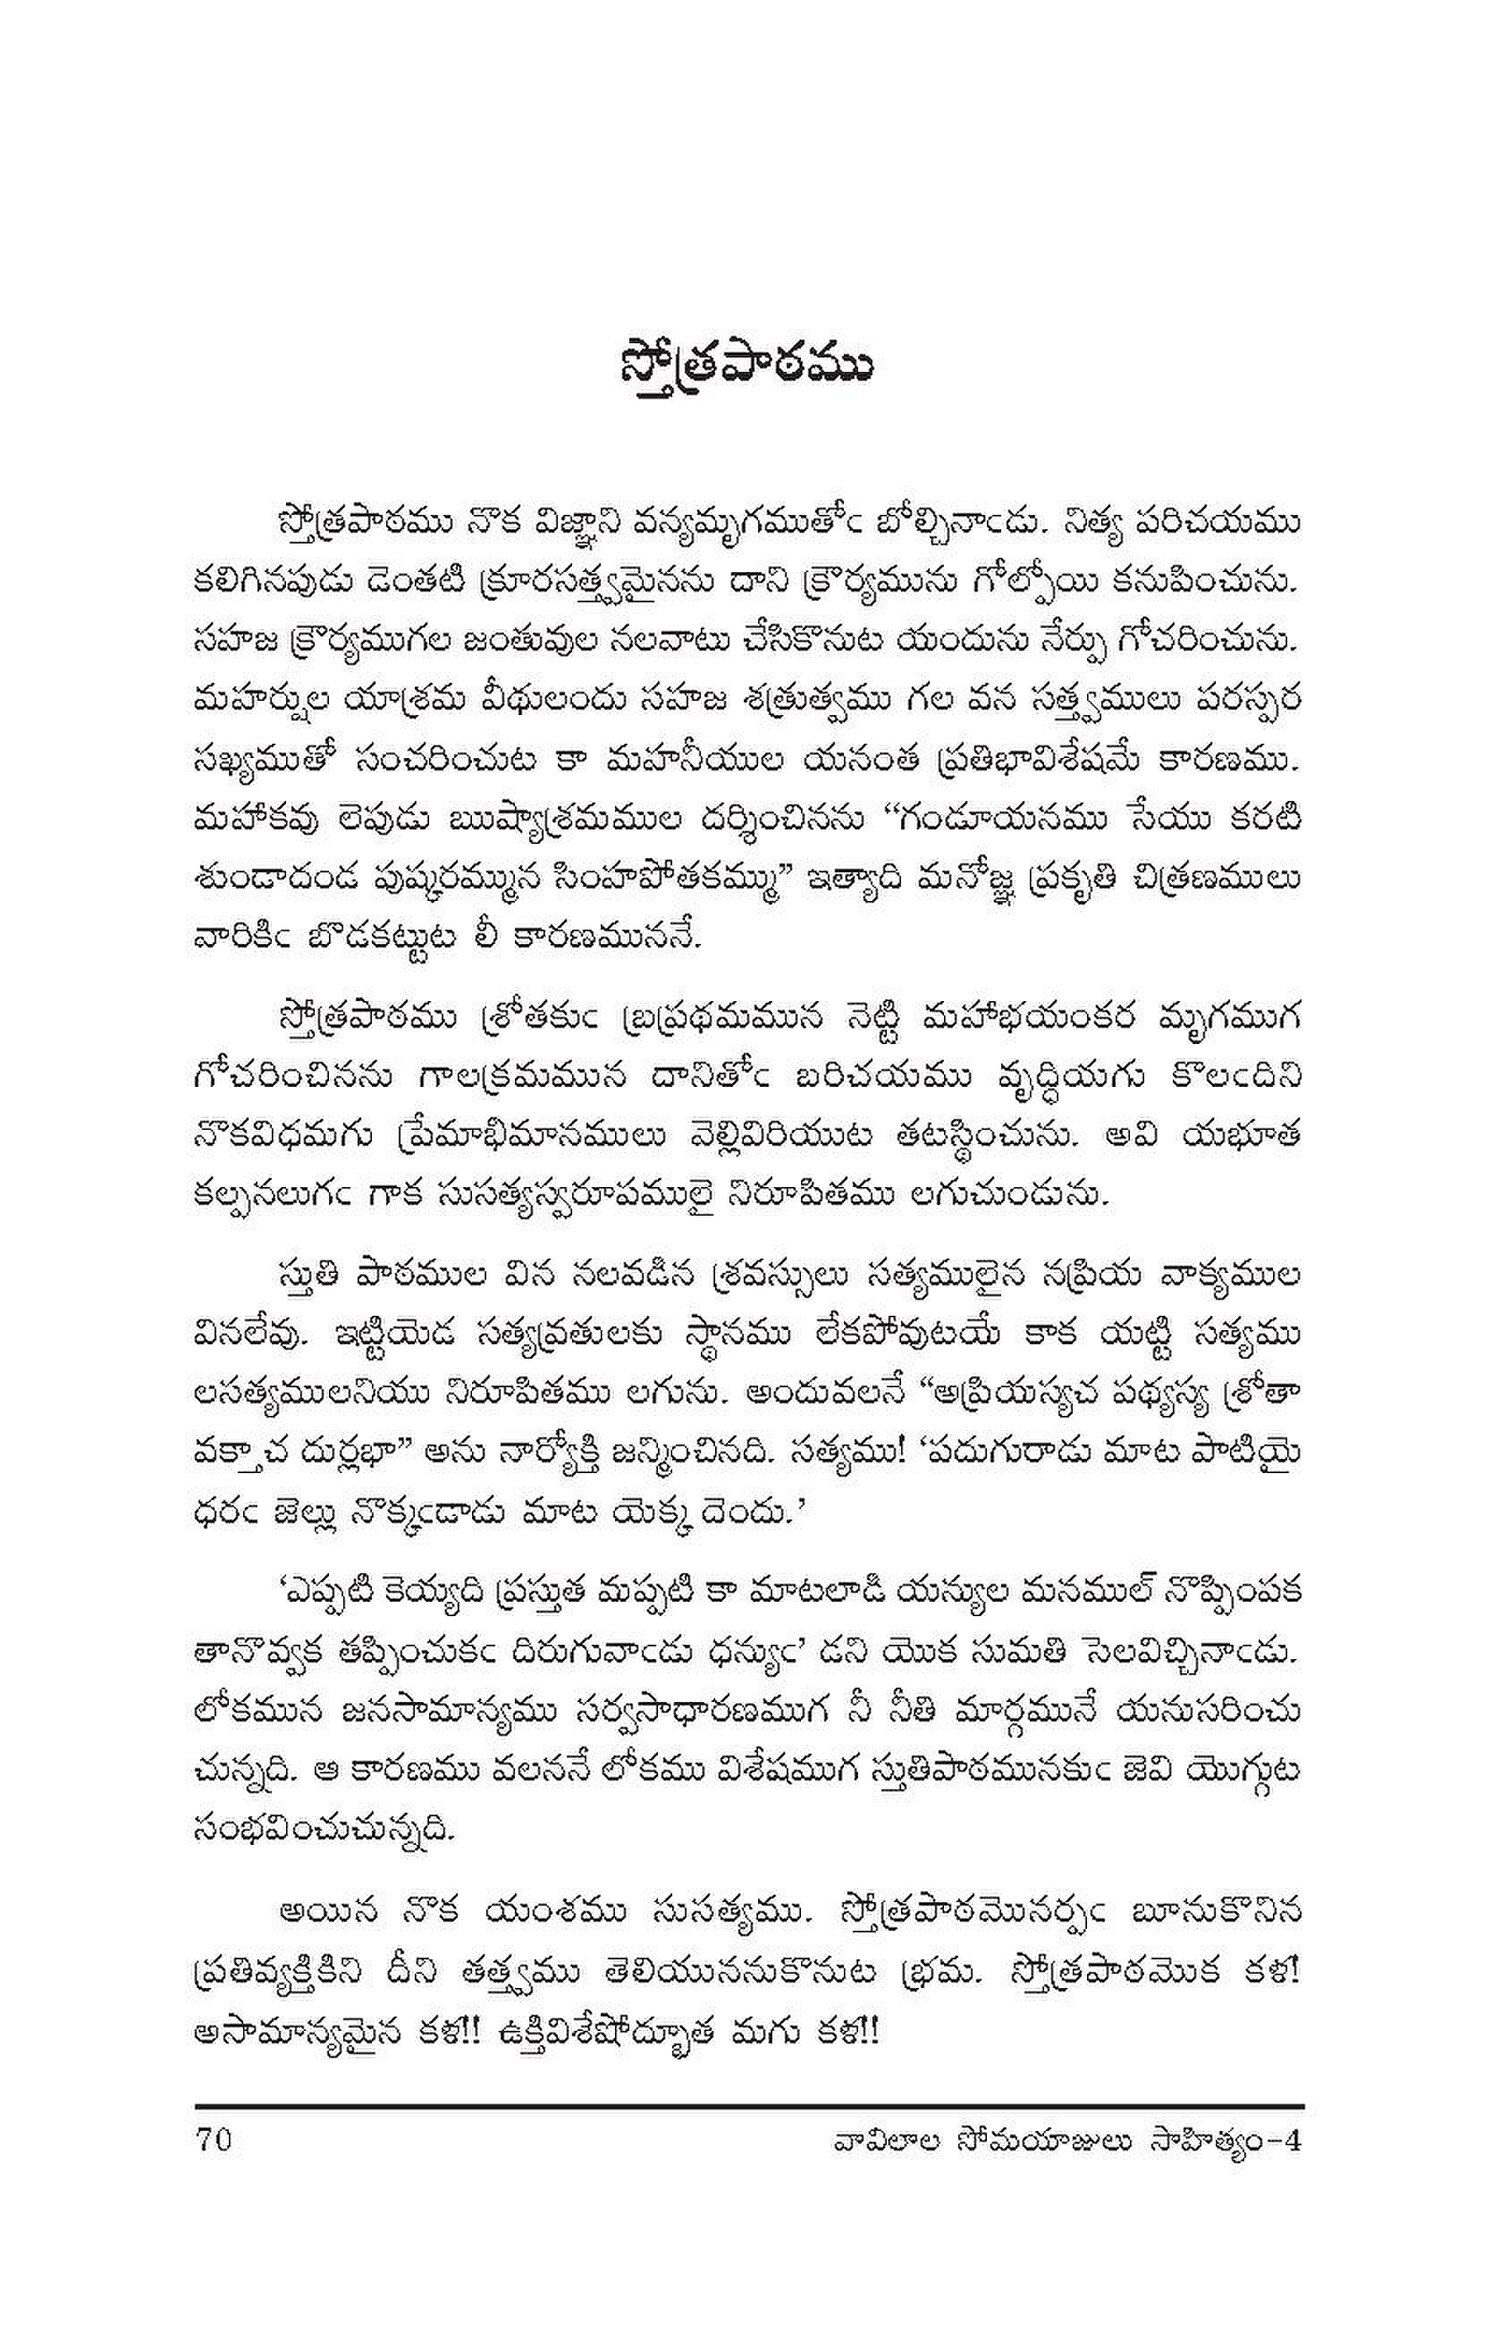స్తోత్రపాఠము నొక విజ్ఞాని వన్యమృగముతోఁ బోల్చినాఁడు. నిత్య పరిచయము
కలిగినపుడు డెంతటి క్రూరసత్వమైనను దాని క్రౌర్యమును గోల్పోయి కనుపించును.
సహజ క్రౌర్యముగల జంతువుల నలవాటు చేసికొనుట యందును నేర్పు గోచరించును.
మహర్షుల యాశ్రమ వీథులందు సహజ శత్రుత్వము గల వన సత్త్వములు పరస్పర
సఖ్యముతో సంచరించుట కా మహనీయుల యనంత ప్రతిభావిశేషమే కారణము.
మహాకవు లెపుడు ఋష్యాశ్రమముల దర్శించినను “గండూయనము సేయు కరటి
శుండాదండ పుష్కరమ్మున సింహపోతకమ్ము" ఇత్యాది మనోజ్ఞ ప్రకృతి చిత్రణములు
వారికిఁ బొడకట్టుట లీ కారణముననే.

స్తోత్రపాఠము శ్రోతకుఁ బ్రప్రథమమున నెట్టి మహాభయంకర మృగముగ
గోచరించినను గాలక్రమమున దానితోఁ బరిచయము వృద్ధియగు కొలఁదిని
నొకవిధమగు ప్రేమాభిమానములు వెల్లివిరియుట తటస్థించును. అవి యభూత
కల్పనలుగఁ గాక సుసత్యస్వరూపములై నిరూపితము లగుచుండును.

స్తుతి పాఠముల విన నలవడిన శ్రవస్సులు సత్యములైన సప్రియ వాక్యముల
వినలేవు. ఇట్టియెడ సత్యవ్రతులకు స్థానము లేకపోవుటయే కాక యట్టి సత్యము
లసత్యములనియు నిరూపితము లగును. అందువలనే "అప్రియస్యచ పథ్యస్య శ్రోతా
వక్తాచ దుర్లభా” అను నార్యోక్తి జన్మించినది. సత్యము! 'పదుగురాడు మాట పాటియై
ధరఁ జెల్లు నొక్కఁడాడు మాట యెక్క దెందు.'

‘ఎప్పటి కెయ్యది ప్రస్తుత మప్పటి కా మాటలాడి యన్యుల మనముల్ నొప్పింపక
తానొవ్వక తప్పించుకఁ దిరుగువాఁడు ధన్యుఁ' డని యొక సుమతి సెలవిచ్చినాఁడు.
లోకమున జనసామాన్యము సర్వసాధారణముగ నీ నీతి మార్గమునే యనుసరించు
చున్నది. ఆ కారణము వలననే లోకము విశేషముగ స్తుతిపాఠమునకుఁ జెవి యొగ్గుట
సంభవించుచున్నది.

అయిన నొక యంశము సుసత్యము. స్తోత్రపాఠమొనర్పఁ బూనుకొనిన
ప్రతివ్యక్తికిని దీని తత్త్వము తెలియుననుకొనుట భ్రమ. స్తోత్రపాఠమొక కళ!
అసామాన్యమైన కళ!! ఉక్తివిశేషోద్భూత మగు కళ!!